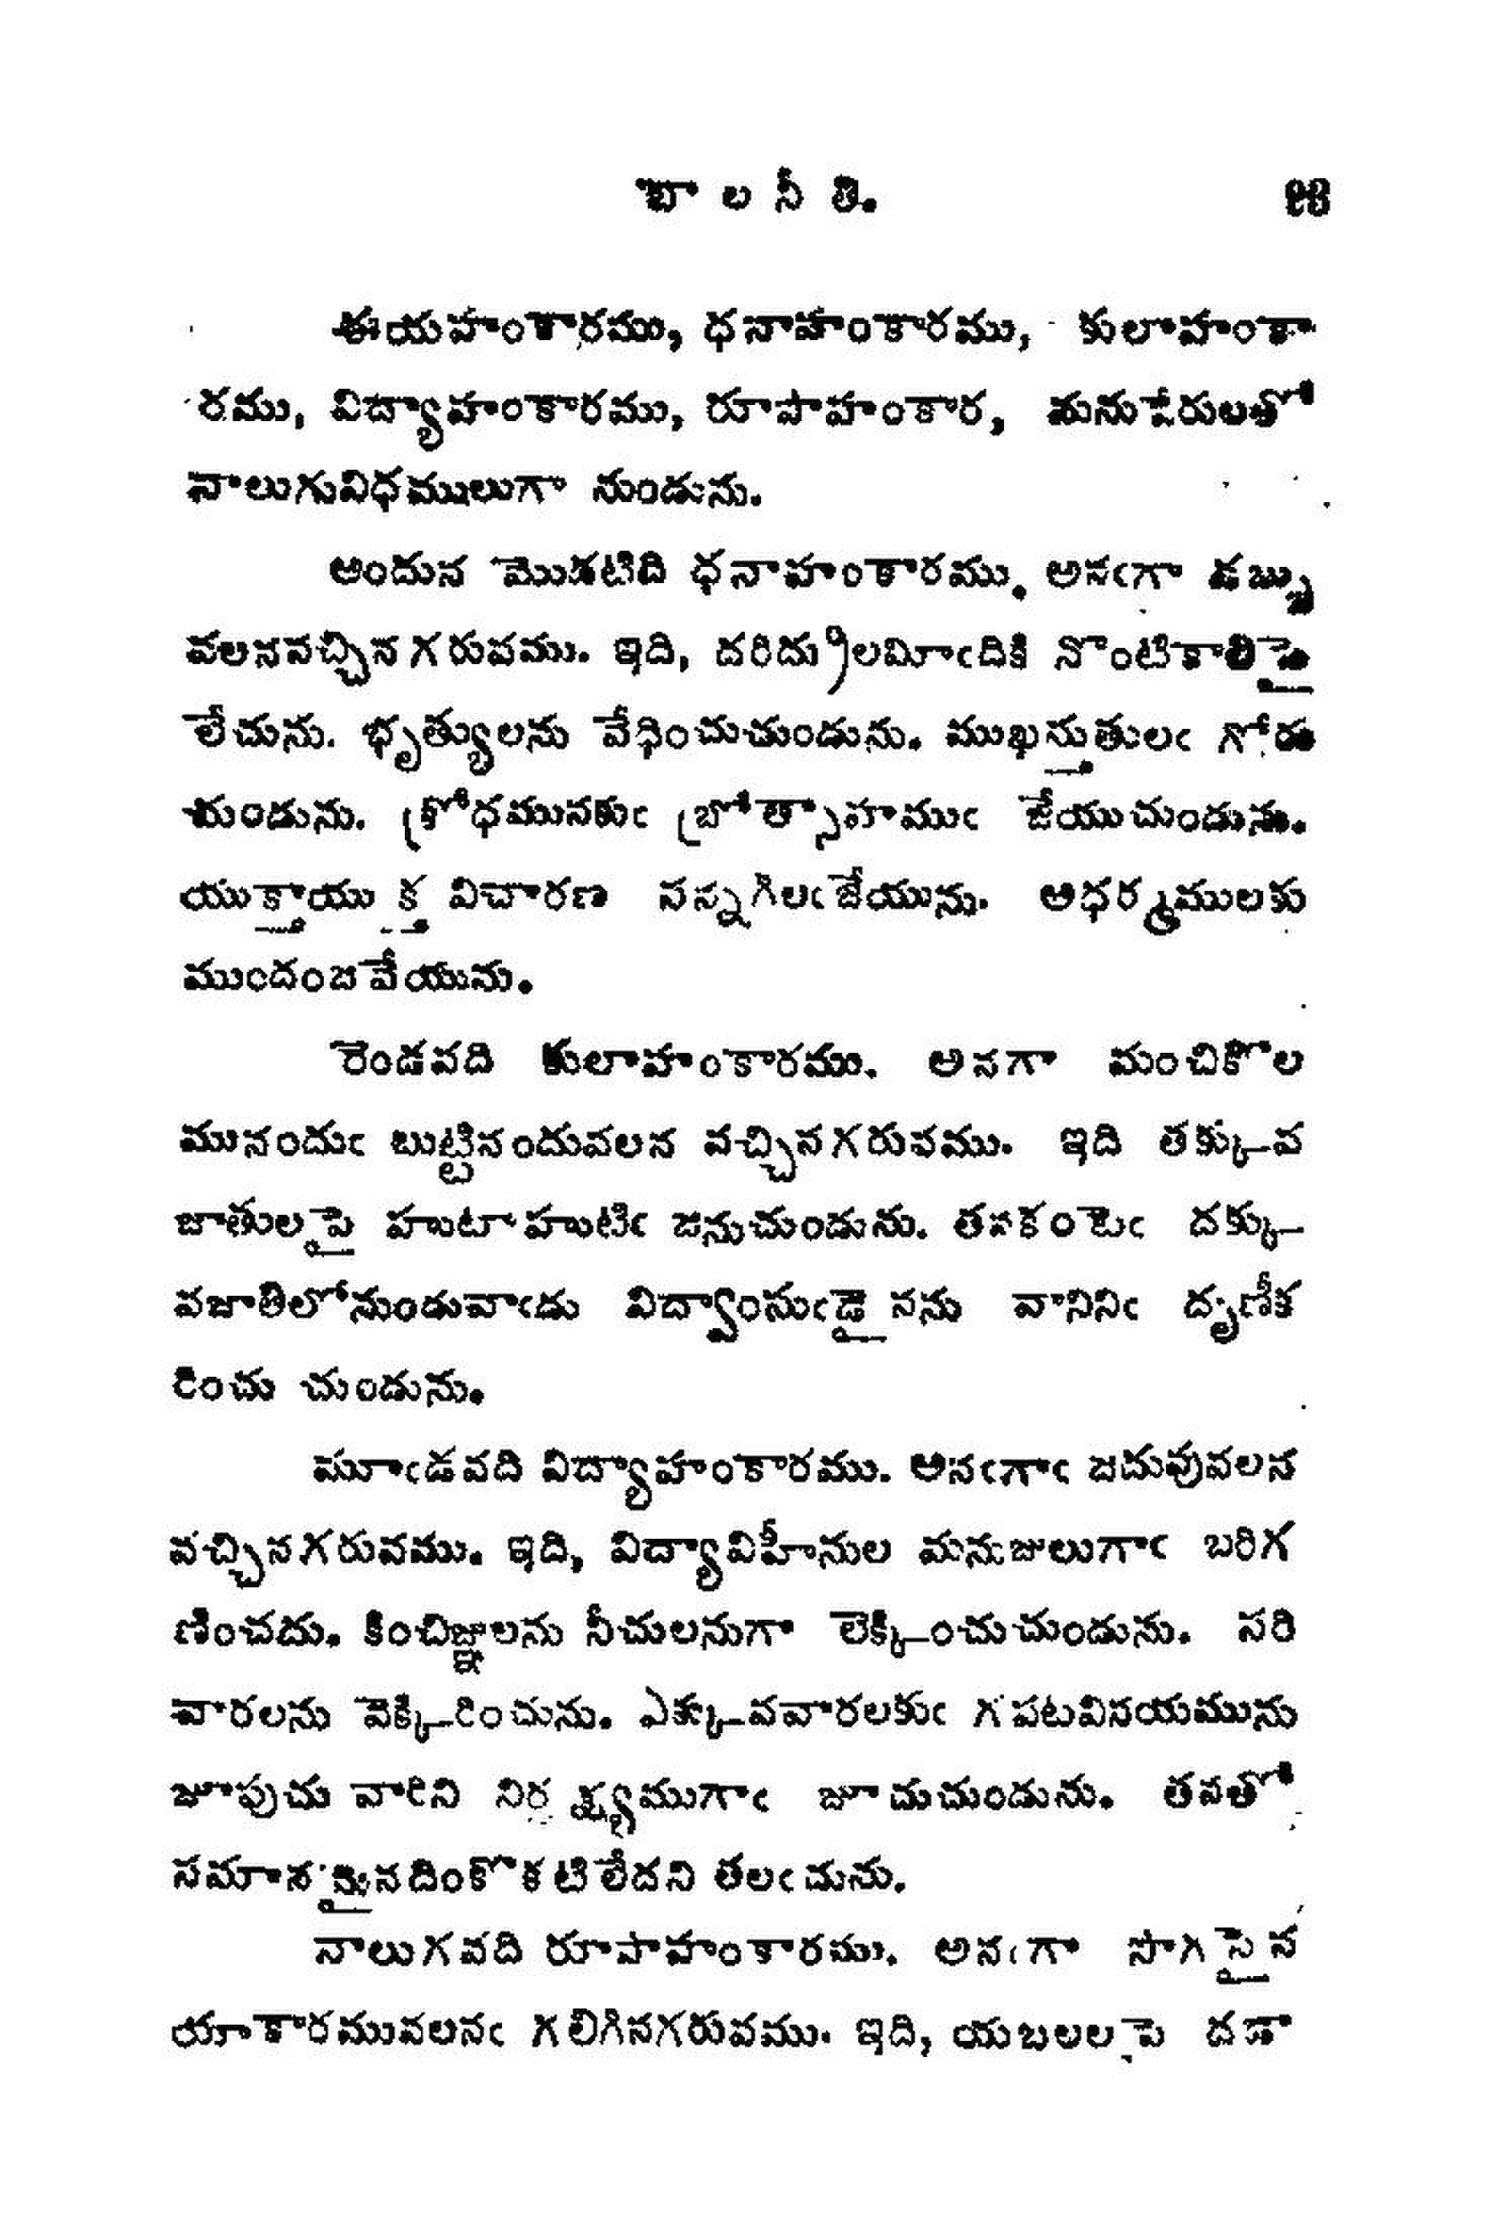ఈయహంకారము, ధనాహంకారము, కులాహంకా
రము, విద్యాహంకారము, రూపాహంకార, మనుపేరులతో 
నాలుగువిధములుగా నుండును. 

అందున మొదటిది ధనాహంకారము, అనఁగా డబ్బు
వలనవచ్చినగరువము. ఇది, దరిద్రులమీఁదికి నొంటికాలిపై 
లేచును. భృత్యులను వేధించుచుండును. ముఖస్తుతులఁ గోరు
చుండును. క్రోధమునకుఁ బ్రోత్సాహముఁ జేయుచుండును. 
యుక్తాయుక్త విచారణ సన్నగిలఁజేయును. అధర్మములకు 
ముందంజవేయును.

రెండవది కులాహంకారము. అనగా మంచికొల
మునందుఁ బుట్టినందువలన వచ్చినగరువము. ఇది తక్కువ 
జాతులపై హుటాహుటిఁ జనుచుండును. తనకంటెఁ దక్కు
వజాతిలోనుండువాఁడు విద్వాంసుఁడైనను వానినిఁ దృణీక
రించు చుండును. 

మూఁడవది విద్యాహంకారము. అనఁగాఁ జదువువలన 
వచ్చినగరువము. ఇది, విద్యావిహీనుల మనుజులుగాఁ బరిగ
ణించదు. కించిజ్ఞులను నీచులనుగా లెక్కించుచుండును. సరి
వారలను వెక్కిరించును. ఎక్కువవారలకుఁ గపటవినయమును 
జూపుచు వారిని నిర్లక్ష్యముగాఁ జూచుచుండును. తనతో 
సమానమైనదింకొకటిలేదని తలఁచును.

నాలుగవది రూపాహంకారము. అనఁగా సొగసైన 
యాకారమువలనఁ గలిగినగరువము. ఇది, యబలలపై దడా